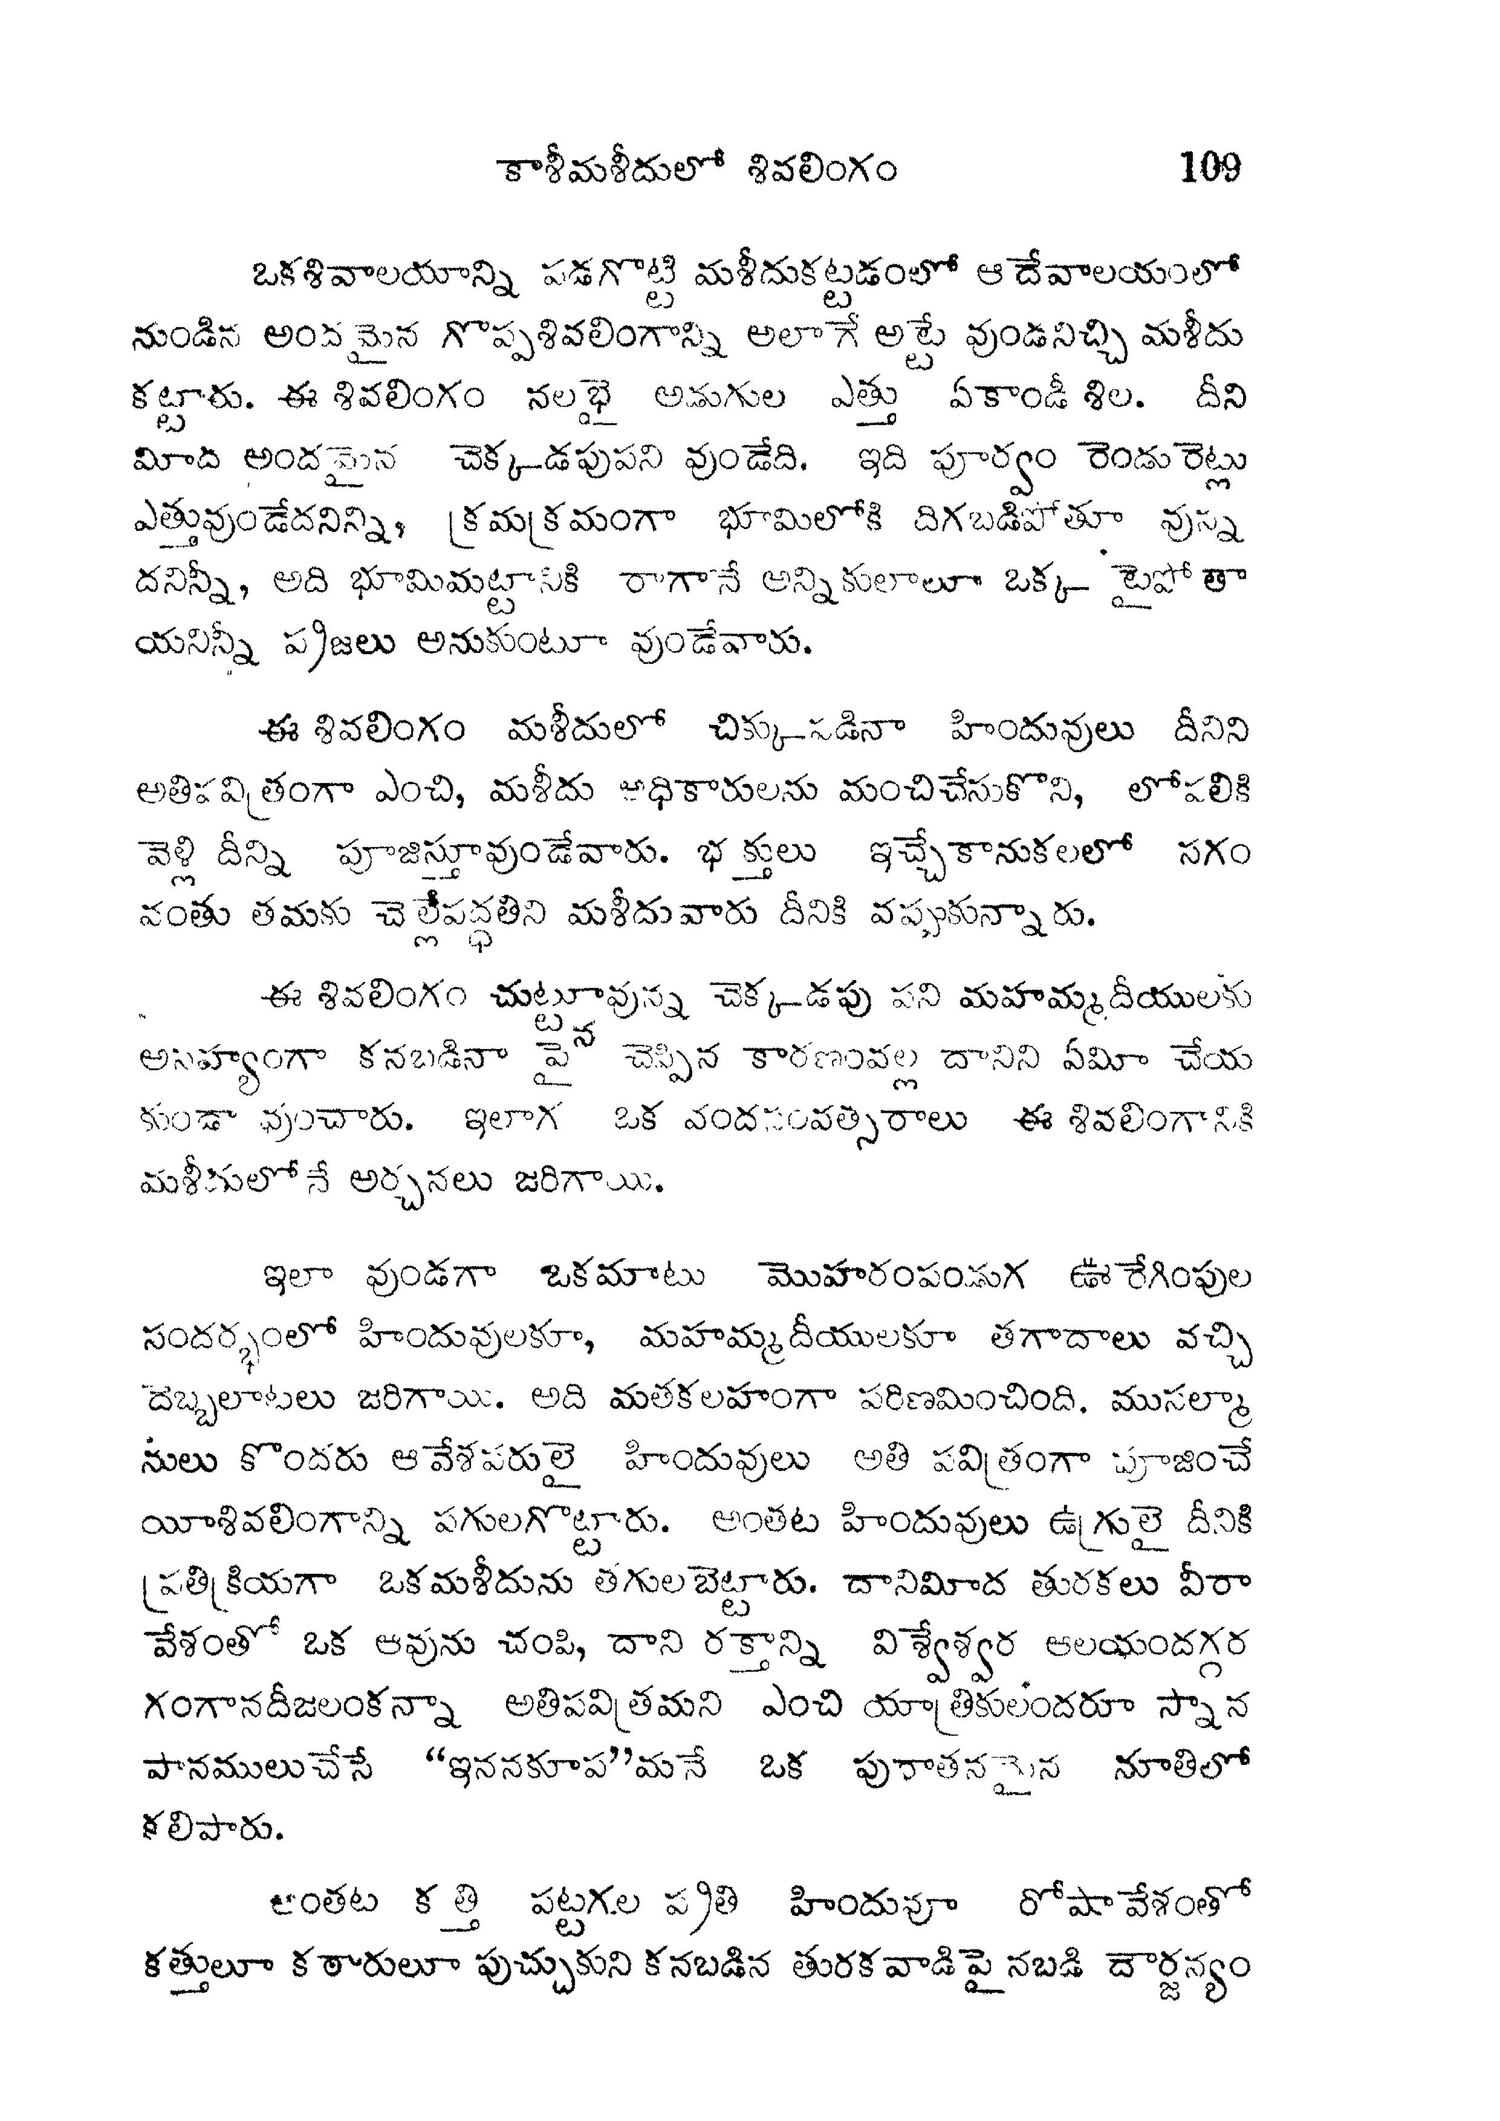ఒకశివాలయాన్ని పడగొట్టి మశీదుకట్టడంలో ఆదేవాలయంలో నుండిన అందమైన గొప్పశివలింగాన్ని అలాగే అట్టే వుండనిచ్చి మశీదు కట్టారు. ఈ శివలింగం నలభై అడుగుల ఎత్తు ఏకాండీ శిల. దీనిమీద అందమైన చెక్కడపు పని వుండేది. ఇది పూర్వం రెండురెట్లు ఎత్తువుండేదనిన్ని, క్రమక్రమంగా భూమిలోకి దిగబడిపోతూ వున్నదనిన్నీ, అది భూమిమట్టానికి రాగానే అన్నికులాలూ ఒక్కటైపోతాయనిన్నీ ప్రజలు అనుకుంటూ వుండేవారు.

ఈ శివలింగం మశీదులో చిక్కుపడినా హిందువులు దీనిని అతిపవిత్రంగా ఎంచి, మశీదు అధికారులను మంచిచేసుకొని, లోపలికి వెళ్లి దీన్ని పూజిస్తూవుండేవారు. భక్తులు ఇచ్చేకానుకలలో సగంవంతు తమకు చెల్లేపద్దతిని మశీదువారు దీనికి వప్పుకున్నారు.

ఈ శివలింగం చుట్టూవున్న చెక్కడపు పని మహమ్మదీయులకు అసహ్యంగా కనబడినా పైనచెప్పిన కారణంవల్ల దానిని ఏమీ చేయకుండా వుంచారు. ఇలాగ ఒక వందసంవత్సరాలు ఈ శివలింగానికి మశీదులోనే అర్చనలు జరిగాయి.

ఇలా వుండగా ఒకమాటు మొహరంపండుగ ఊరేగింపుల సందర్బంలో హిందువులకూ, మహమ్మదీయులకూ తగాదాలు వచ్చి దెబ్బలాటలు జరిగాయి. అది మతకలహంగా పరిణమించింది. ముసల్మానులు కొందరు ఆవేశపరులై హిందువులు అతిపవిత్రంగా పూజించే యీశివలింగాన్ని పగులగొట్టారు. అంతట హిందువులు ఉగ్రులై దీనికి ప్రతిక్రియగా ఒకమశీదును తగులబెట్టారు. దానిమీద తురకలు వీరావేశంతో ఒక ఆవును చంపి, దాని రక్తాన్ని విశ్వేశ్వర ఆలయందగ్గర గంగానదీజలంకన్నా అతిపవిత్రమని ఎంచి యాత్రికులందరూ స్నానపానములు చేసే "ఇననకూప"మనే ఒక పురాతనమైన నూతిలో కలిపారు.

అంతట కత్తి పట్టగల ప్రతి హిందువూ రోషవేశంతో కత్తులూ కఠారులూ పుచ్చుకుని కనబడిన తురకవాడిపై బడి దౌర్జన్యం